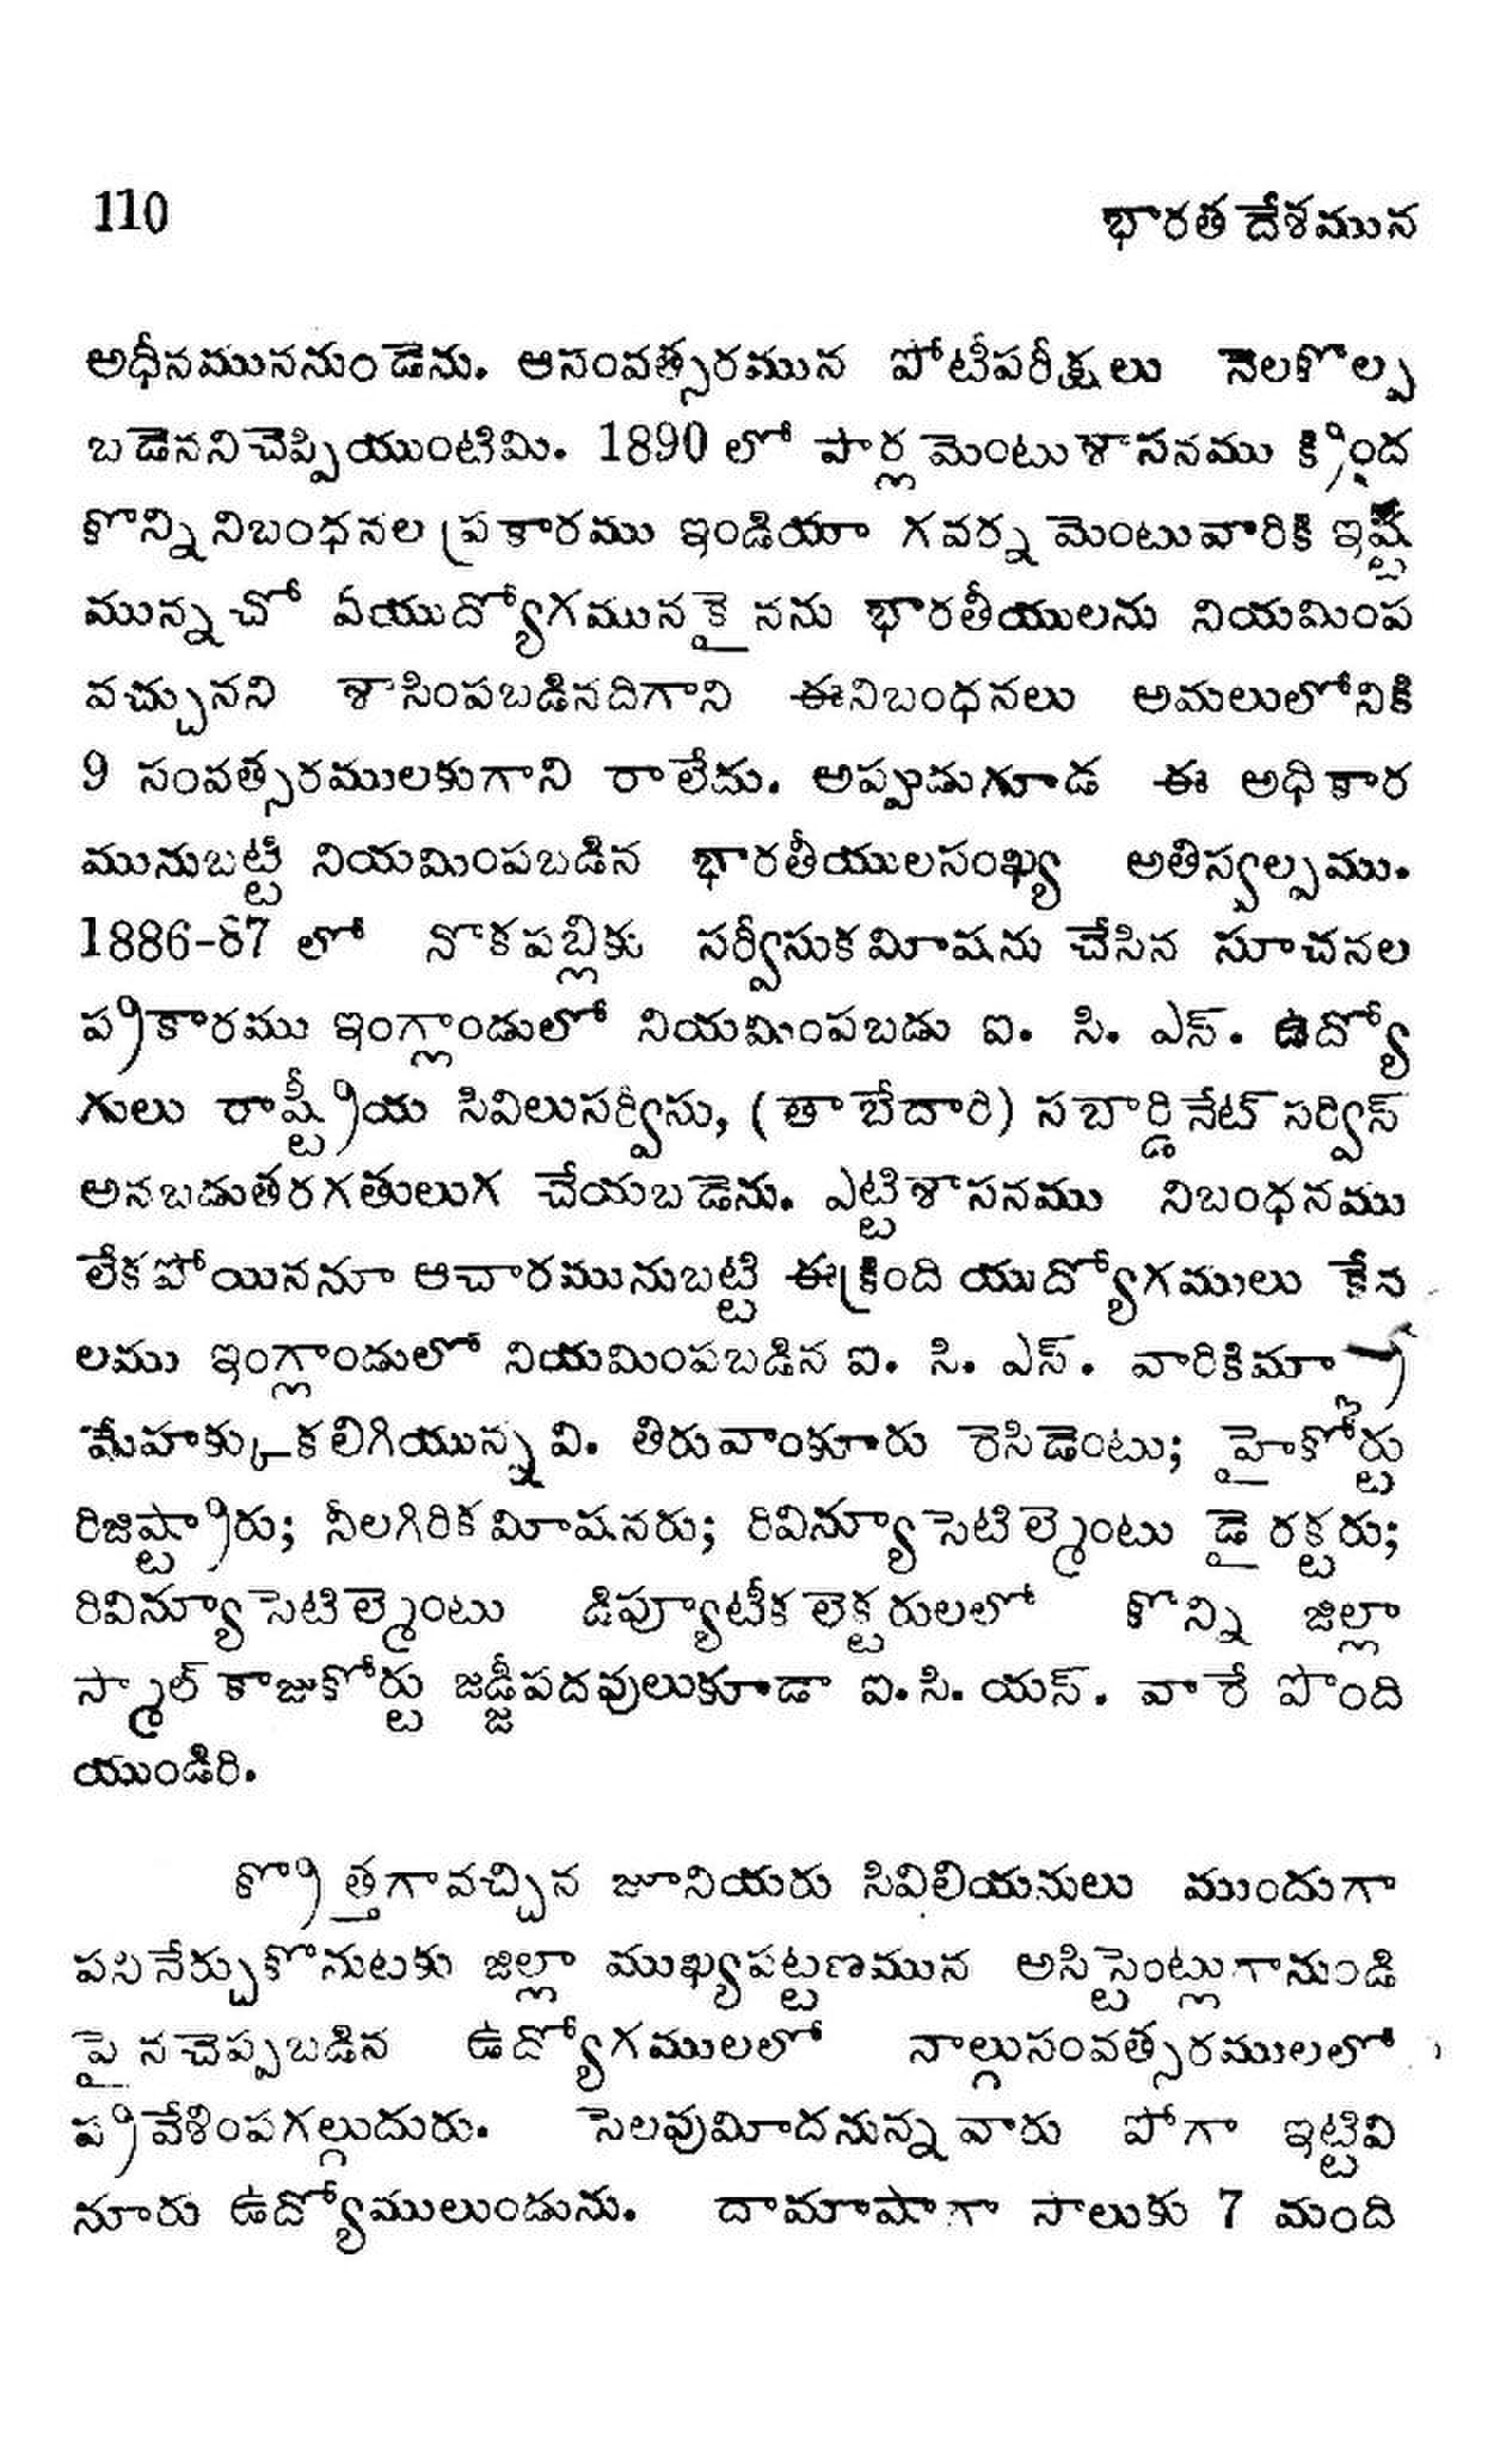అధీనముననుండెను. ఆ సంవత్సరమున పోటీపరీక్షలు నెలకొల్పబడెనని చెప్పియుంటిమి. 1890 లో పార్లమెంటు శాసనము క్రింద కొన్నినిబంధనలప్రకారము ఇండియా గవర్నమెంటువారికి ఇష్టమున్నచో ఏయుద్యోగమునకై నను భారతీయులను నియమింపవచ్చునని శాసింపబడినదిగాని ఈనిబంధనలు అమలులోనికి 9 సంవత్సరములకుగాని రాలేదు. అప్పుడుగూడ ఈ అధికారమునుబట్టి నియమింపబడిన భారతీయులసంఖ్య అతిస్వల్పము. 1886-87 లో నొకపబ్లికు సర్వీసుకమిషను చేసిన సూచనల ప్రకారము ఇంగ్లాండులో నియమింపబడు ఐ. సి. ఎస్. ఉద్యోగులు రాష్ట్రీయ సివిలుసర్వీసు, (తాబేదారి) సబార్డినేట్ సర్వీస్ అనబడుతరగతులుగ చేయబడెను. ఎట్టిశాసనము నిబంధనము లేకపోయిననూ ఆచారమునుబట్టి ఈక్రింది యుద్యోగములు కేవలము ఇంగ్లాండులో నియమింపబడిన ఐ. సి. ఎస్. వారికిమాత్రమేహక్కుకలిగియున్నవి. తిరువాంకూరు రెసిడెంటు; హైకోర్టు రిజిష్ట్రారు; నీలగిరికమీషనరు; రివిన్యూ సెటిల్మెంటు డైరక్టరు; రివిన్యూ సెటిల్మెంటు డిప్యూటీకలెక్టరులలో కొన్ని జిల్లా స్మాల్ కాజుకోర్టు జడ్జీపదవులుకూడా ఐ. సి. యస్. వారే పొంది యుండిరి.

క్రొత్తగావచ్చిన జూనియరు సివిలియనులు ముందుగా పనినేర్చుకొనుటకు జిల్లా ముఖ్యపట్టణమున అసిస్టెంట్లుగానుండి పైనచెప్పబడిన ఉద్యోగములలో నాల్గుసంవత్సరములలో , ప్రవేశింపగల్గుదురు. సెలవుమీదనున్నవారు పోగా ఇట్టివి నూరు ఉద్యోములుండును. దామాషాగా సాలుకు 7 మంది